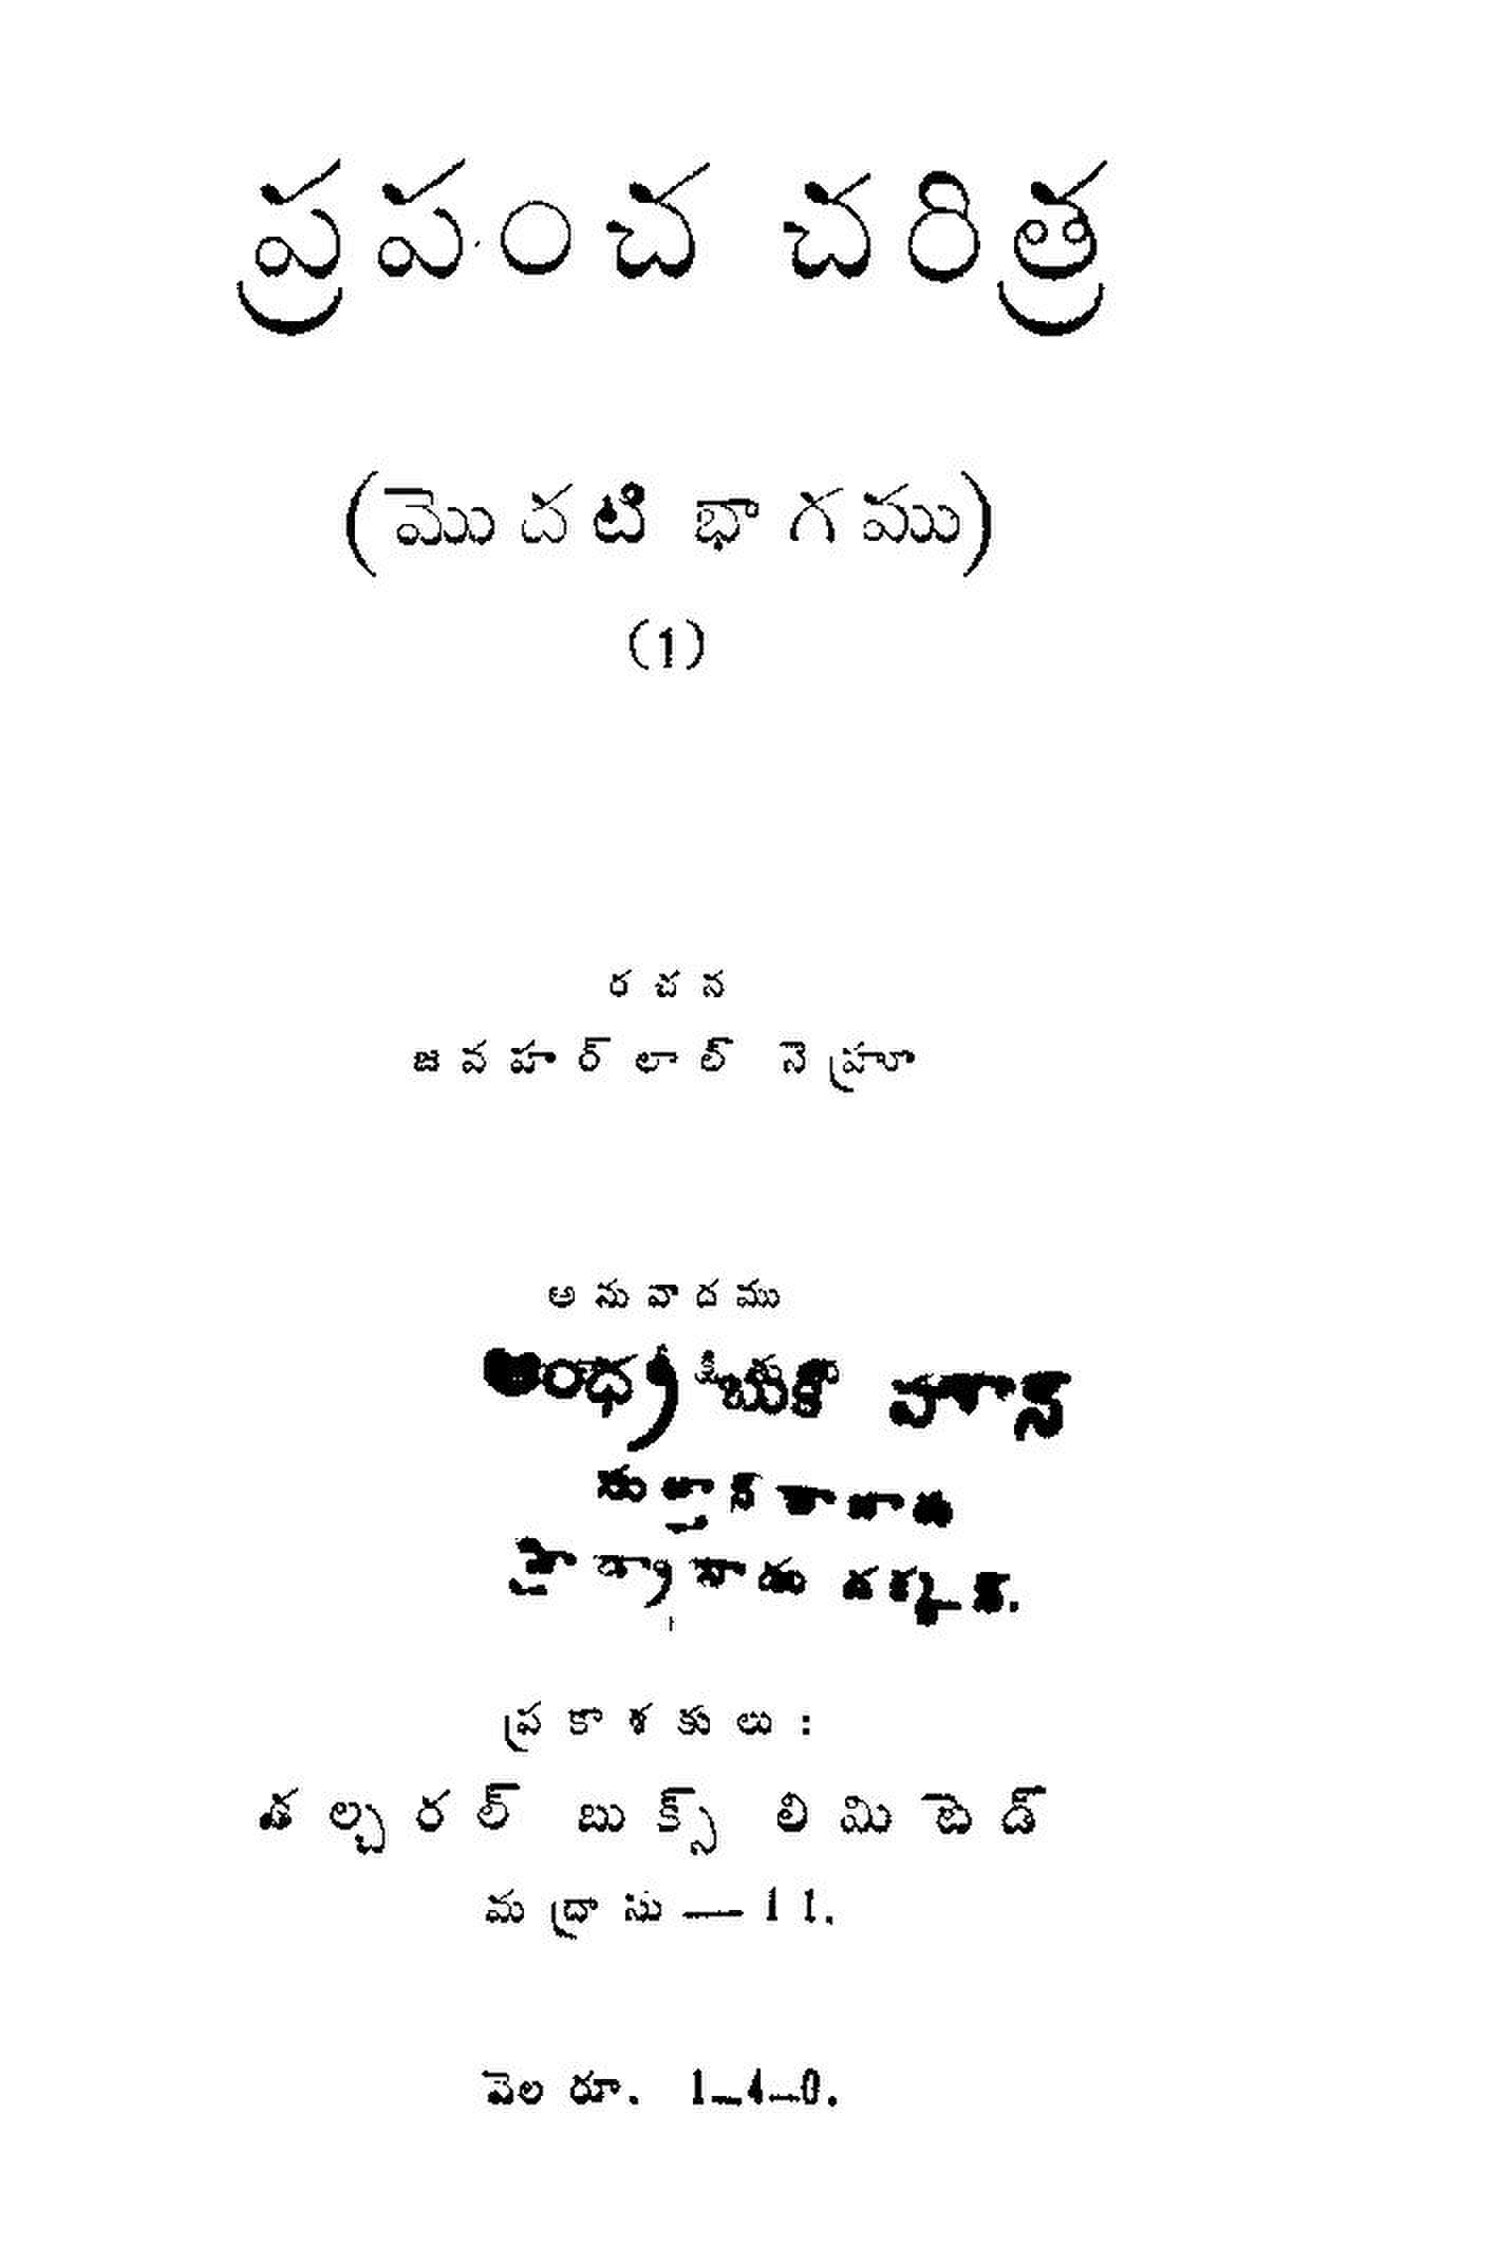ప్రపంచ చరిత్ర

(మొదటి భాగము)

(1)

రచన
జవహర్‌లాల్ నెహ్రూ

అనువాదము
శ్రీ చింతా దీక్షితులు.

ప్రకాశకులు:
కల్చరల్ బుక్స్ లిమిటెడ్
మద్రాసు - 11

వెల రూ. 1 - 4 - 0